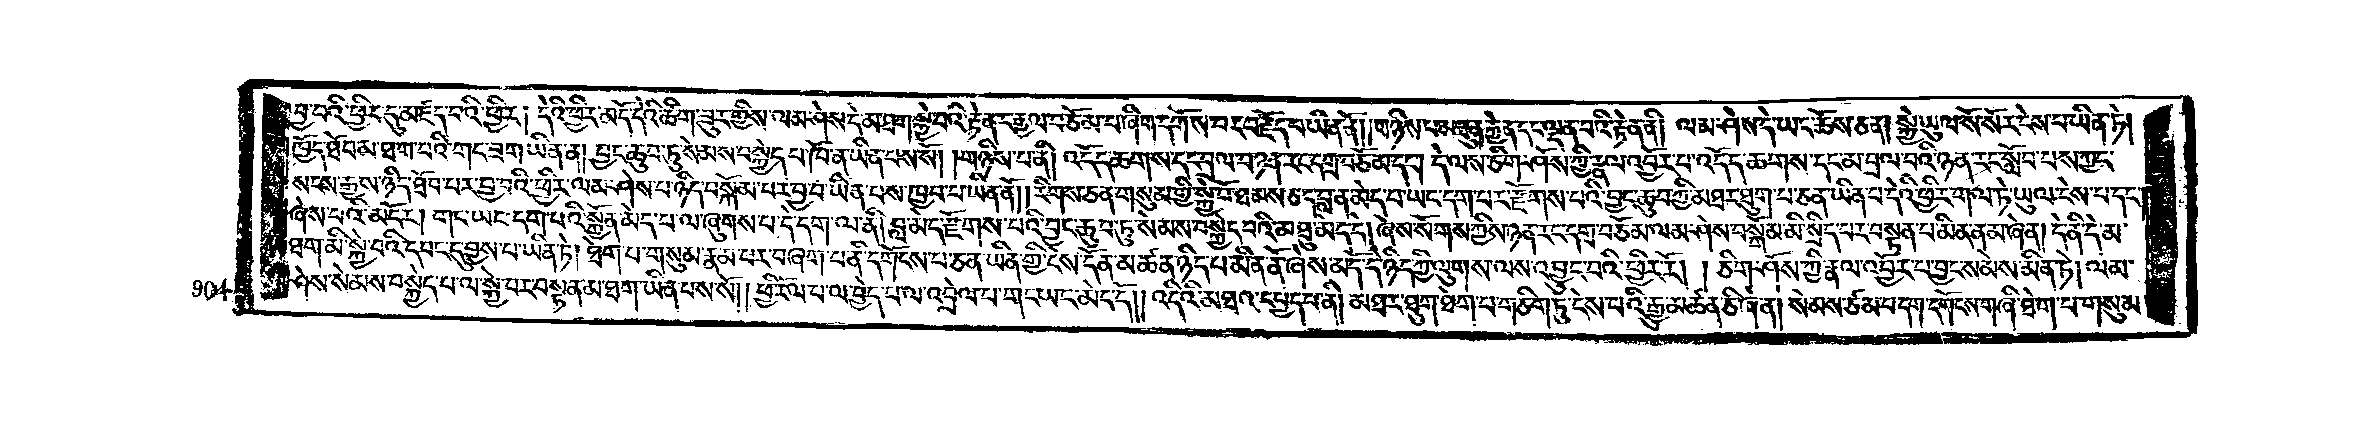བྱ་བའི་ཕྱིར་དུ་མཛད་པའི་ཕྱིར། དེའི་ཕྱིར་མདོ་དེའི་ཚིག་ཟུར་གྱིས་ལམ་ཤེས་དེ་མ་ཐག་སྐྱེ་བའི་རྟེན་ང་རྒྱལ་བཅོམ་པ་ཞིག་དགོས་བར་བརྗོད་པ་ཡིན་ནོ། །གཉིས་པ་མཐུན་རྐྱེན་དང་ལྡན་པའི་རྟེན་ནི། ལམ་ཤེས་དེ་ཡང་ཆོས་ཅན། སྐྱེ་ཡུལ་སོ་སོར་ངེས་པ་ཡིན་ཏེ།
ཁྱོད་ཐོབ་མ་ཐག་པའི་གང་ཟག་ཡིན་ན། བྱང་ཆུབ་ཏུ་སེམས་བསྐྱེད་པ་ཁོ་ན་ཡིན་པས་སོ། །གཉིས་པ་ནི། འདོད་ཆགས་དང་བྲལ་བ་ཉན་རང་དགྲ་བཅོམ་དང་། དེ་ལས་ཅིག་ཤོས་ཀྱི་རྣལ་འབྱོར་པ་འདོད་ཆགས་དང་མ་བྲལ་བའི་ཉན་རང་སློབ་པས་ཀྱང་
སངས་རྒྱས་ཉིད་ཐོབ་པར་བྱ་བའི་ཕྱིར་ལམ་ཤེས་པ་ཉིད་བསྐོམ་པར་བྱ་བ་ཡིན་པས་ཁྱབ་པ་ཡིན་ནོ། །རིགས་ཅན་གསུམ་གྱི་སྐྱེ་བོ་ཐམས་ཅད་བླ་ན་མེད་པ་ཡང་དག་པར་རྫོགས་པའི་བྱང་ཆུབ་ཀྱི་མཐར་ཐུག་པ་ཅན་ཡིན་པ་དེའི་ཕྱིར་གལ་ཏེ་ཡུལ་ངེས་པ་དང་
ཞེས་པའི་མདོར། གང་ཡང་དག་པའི་སྐྱོན་མེད་པ་ལ་ཞུགས་པ་དེ་དག་ལ་ནི། བླ་མེད་རྫོགས་པའི་བྱང་ཆུབ་ཏུ་སེམས་བསྐྱེད་པའི་མཐུ་མེད་དེ། ཞེས་སོགས་ཀྱིས་ཉན་རང་དགྲ་བཅོམ་ལམ་ཤེས་བསྒོམ་མི་སྲིད་པར་བསྟན་པ་མིན་ནམ་ཞེ་ན། དེ་ནི་དེ་མ་
ཐག་མི་སྐྱེ་བའི་དབང་དུ་བྱས་པ་ཡིན་ཏེ། ཐེག་པ་གསུམ་རྣམ་པར་བཞག་པ་ནི་དགོངས་པ་ཅན་ཡིན་གྱི་ངེས་དོན་མཚན་ཉིད་པ་མིན་ནོ་ཞེས་མདོ་དེ་ཉིད་ཀྱི་ལུགས་ལས་འབྱུང་བའི་ཕྱིར་རོ། །ཅིག་ཤོས་ཀྱི་རྣལ་འབྱོར་པ་བྱང་སེམས་མིན་ཏེ། ལམ་
ཤེས་སེམས་བསྐྱེད་པ་ལ་སྐྱེ་བར་བསྟན་མ་ཐག་ཡིན་པས་སོ། །ཕྱི་རོལ་པ་ལ་བྱེད་པ་ལ་འབྲེལ་པ་གང་ཡང་མེད་དོ། །འདིའི་མཐའ་དཔྱད་པ་ནི། མཐར་ཐུག་ཐེག་པ་གཅིག་ཏུ་ངེས་པའི་རྒྱུ་མཚན་ཅི་ཞེ་ན། སེམས་ཙམ་པ་དག་དགོངས་གཞི་ཐེག་པ་གསུམ་